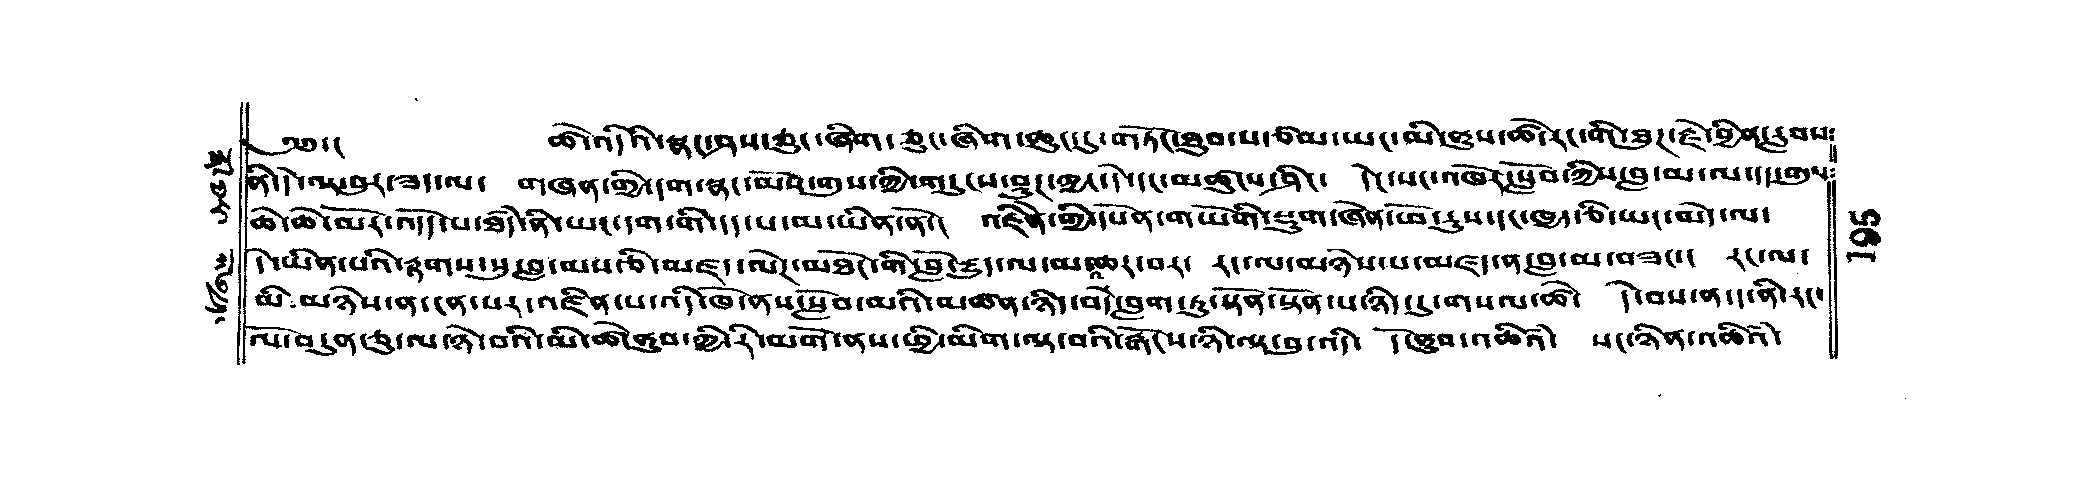ཚེ་འདིའི་སྣང་ཤས་ཅུང་ཞིག་ཆུང་དུ་གཏོང་ཐུབ་པ་ཙམ་ཡང་མི་ནུས་ཚེ་རང་གི་ཐུགས་རྗེ་བྱིན་རླབས་
ནི་དེ་ལྟ་བུར་ཟད་ལ། གཞན་གྱི་དག་སྣང་མོས་གུས་ཀྱི་གདུང་ཤུགས་ཀྱང་དེ་དང་མཚུངས་ཤིང་། དེང་སང་འཁོར་སློབ་ཀྱིས་བླ་མ་ལ་དད་གུས་
ཆེ་ཆེ་མོར་འདོད་པ་ཐམས་ཅད་ནི་ཡང་དག་གི་དད་པ་མ་ཡིན་ནོ། འཇིག་རྟེན་གྱི་དཔོན་གཡོག་གི་སྡུག་ཞེན་ཕོ་རུས་དང་ཁྱད་ཅི་ཡང་མེད་ལ། 
དེ་ཡིན་པའི་རྟགས་སུ་བླ་མས་ཅི་མཛད་ལེགས་མཐོང་གི་བློ་རྒྱུད་ལ་མ་འཆར་བར། རང་ལ་མཉེས་པ་མཛད་ན་བླ་མ་བཟང་། རང་ལ་
མི་གཉེས་ན་ངན་པར་འཛིན་པ་འདི་ཁོ་ནས་སློབ་མའི་མཚན་ཉིད་བདེ་བླག་ཏུ་སྟོན་པ་ཉིད་དུ་གསལ་ཚེ། དེ་བས་ན་ད་ནི་རང་
ལོ་བདུན་ཅུ་ལ་ཉེ་བའི་མི་ཚེ་ནུབ་ཀྱི་རི་མགོ་ནས་ཕྱི་མིག་ལྟ་བའི་དགོང་ཉི་ལྟ་བུ་འདི།དོ་ནུབ་འཆིའམ། སང་ཉིན་འཆིའམ་